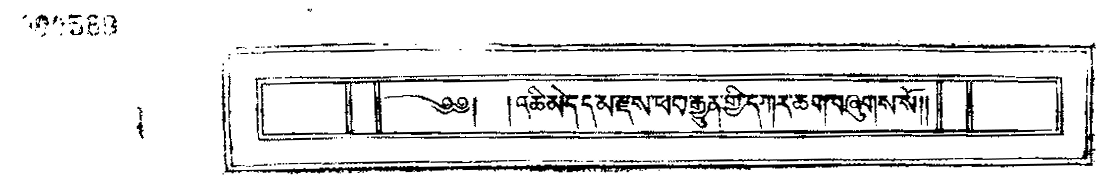༄༅། །འཆི་མེད་དམ་རྫས་ཕབ་རྒྱུན་གྱི་དཀར་ཆག་བཞུགས་སོ། །